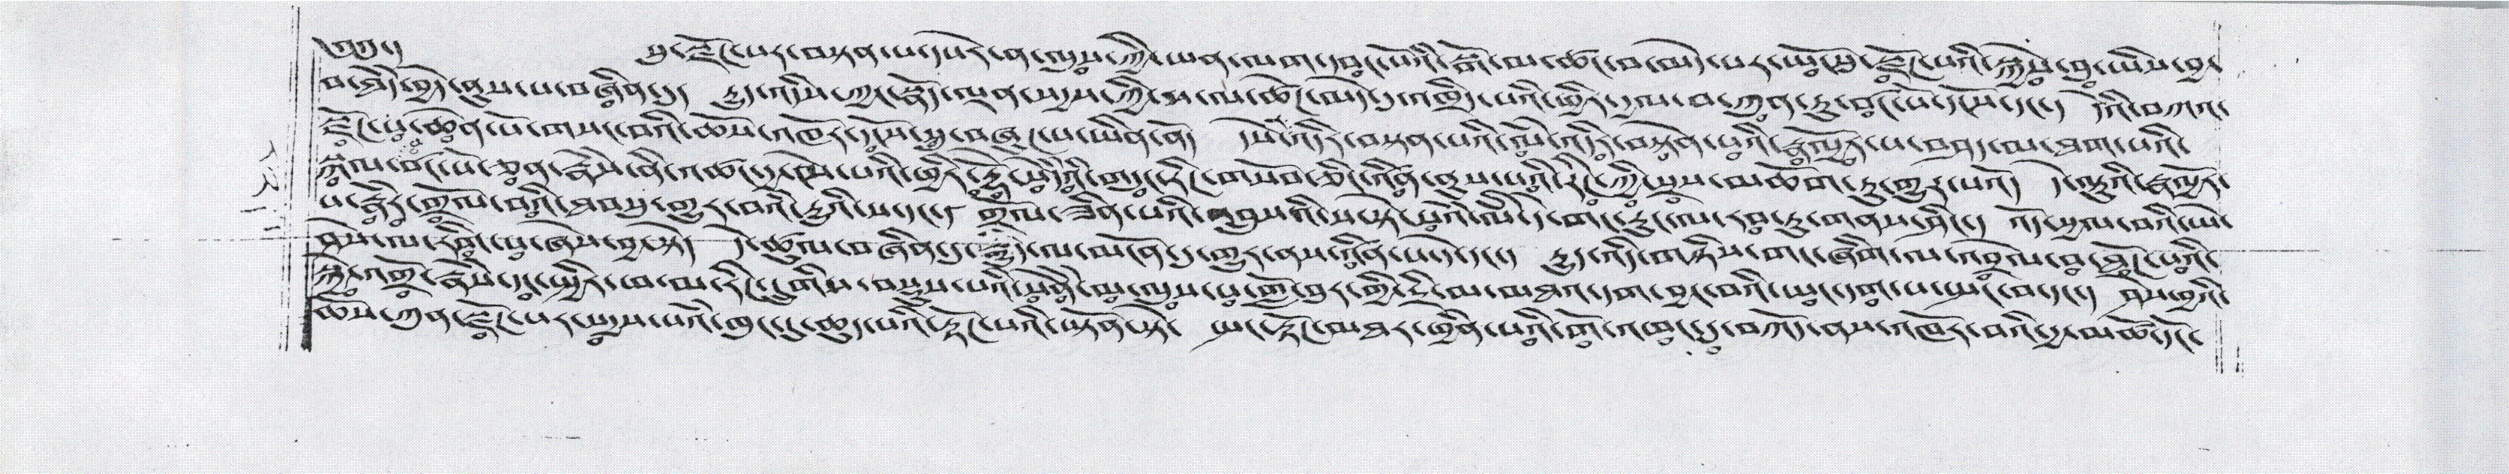སུ་རྫོགས་པར་བསྟན་པ་ལུས་ཀྱི་ཡན་ལག་དབང་པོའི་སྒོ་མ་ཚང་བ་མེད་པར་ཡོངས་སུ་རྫོགས་པའི་སྐྱེས་བུ་ཡིས་བྱ་
བ་ཐམས་ཅད་བྱེད་ནུས་པ་བཞིན་དུ། རྒྱུད་འདིས་ཀྱང་སྣོད་ལྡན་སངས་རྒྱས་ཀྱི་ས་ལ་ཚེགས་མེད་དུ་འཁྲིད་པའི་ཕྱིར་རྒྱལ་བ་ཀུན་ཏུ་བཟང་པོ་དངོས་དང་། དེའི་བཀའ་
རྫོགས་པ་ཆེན་པོ་གསང་བའི་ཆོས་འཁོར་དངོས་སུ་བཞུགས་པ་ཡིན་ནོ། དེས་ན་འདིར་བསྟེན་པའི་ལམ་འདིར་བསྟན་པའི་རྣལ་འབྱོར་པ་བཤད་པ་མ་ཐག་པའི་
སྐལ་པ་བཟང་པོ་ཅན་རྣམས་ནི་འཚང་རྒྱ་ངེས་པའི་ཕྱིར་རྡོ་རྗེ་སེམས་དཔའི་གདུང་རིགས་གསོབ་ཅིང་འཛིན་ནུས་པའི་རིགས་ཀྱི་སྲས་མཆོག་ཏུ་གྱུར་པའོ། དེ་ལྟ་བུའི་རྣལ་འབྱོར་
པ་རྣམ་པར་གྲོལ་བའི་ཐབས་སུ་གྱུར་པའི་རྒྱུ་ཡི་ས་དང་། གྲོལ་ཟིན་པའི་འབྲས་བུའི་ས་སྟེ་སའམ་ལམ་དེ་གང་རུང་ལ་རབ་ཏུ་གནས་ཤིང་། འོད་གསལ་བའི་ཡེ་
ཤེས་ལ་རིག་པ་ཞེས་བྱ་སྟེ། དེ་ཚུལ་བཞིན་དུ་རྒྱུད་ལ་མངོན་དུ་གྱུར་ནས་འཛིན་པ་དེ་དང་། རྒྱུད་འདི་གཉིས་གང་ཞིག་ལ་འབྲེལ་བ་ཐོགས་པའི་
སྐྱེ་འགྲོ་རྣམས་དང་། སྤྱིར་ཕ་མ་རིགས་དྲུག་གིས་བསྡུས་པའི་སེམས་ཅན་མ་ལུས་པ་གློ་བུར་གྱི་དྲི་མ་མཐའ་དག་བྱང་བའི་ཡང་དག་པ་སྤང་བ་དང་། ཤེས་བྱའི་
ཆོས་ཀུན་རྫོགས་པར་སངས་རྒྱས་པའམ་ཁོང་དུ་ཆུད་པའི་རྟོགས་པའི་ཡོན་ཏན་ཏེ། སྤང་རྟོགས་མཐར་ཕྱིན་པའི་གོ་འཕང་དུ་བཀོད་ནས་འཁོར་བའི་རྒྱ་མཚོ་དོང་